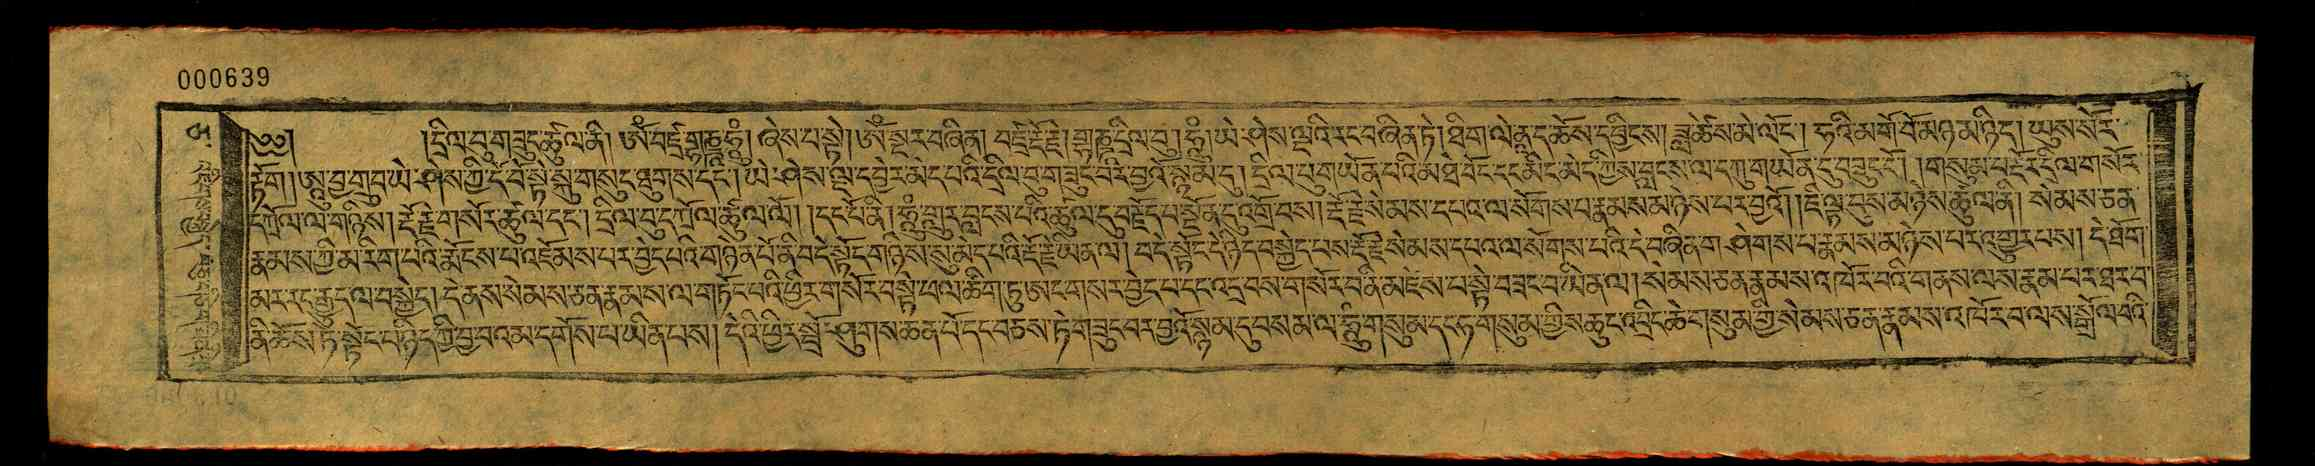༄༅། །དྲིལ་བུ་གཟུང་ཚུལ་ནི། ཨོཾ་བཛྲ་གྷཎྜ་ཧཱུཾ། ཞེས་པ་སྟེ། ཨོཾ་སྔར་བཞིན། བཛྲ་རྡོ་རྗེ། གྷཎྜཱ་དྲིལ་བུ། ཧཱུཾ༑ ཡེ་ཤེས་ལྔའི་རང་བཞིན་ཏེ། ཐིག་ལེ་ནཱ་ད་ཆོས་དབྱིངས། ཟླ་ཚེས་མེ་ལོང་། ཧའི་མགོ་བོ་མཉམ་ཉིད། ལུས་སོར་
རྟོག ༑ཨཱུ་བྱ་གྲུབ་ཡེ་ཤེས་ཀྱི་ངོ་བོ་སྟེ་སྐུ་གསུང་ཐུགས་དང་། ཡེ་ཤེས་ལྔ་དབྱེར་མེད་པའི་དྲིལ་བུ་གཟུང་བར་བྱའོ་སྙམ་དུ། དྲིལ་བུ་གཡོན་པའི་མཐེ་བོང་དང་མིང་མེད་ཀྱིས་བླངས་ལ་དཀུ་གཡོན་དུ་བཟུང་ངོ། །གསུམ་པ་རྡོར་དྲིལ་གསོར་
དཀྲོལ་ལ་གཉིས། རྡོ་རྗེ་གསོར་ཚུལ་དང་། དྲིལ་བུ་དཀྲོལ་ཚུལ་ལོ། །དང་པོ་ནི། ཧཱུཾ་གླུར་བླངས་པའི་ཚུལ་དུ་བརྗོད་པ་སྔོན་དུ་འགྲོ་བས། རྡོ་རྗེ་སེམས་དཔའ་ལ་སོགས་པ་རྣམས་མཉེས་པར་བྱའོ། །ཇི་ལྟ་བུས་མཉེས་ཚུལ་ནི། སེམས་ཅན་
རྣམས་ཀྱི་མ་རིག་པའི་རྨོངས་པ་འཇོམས་པར་བྱེད་པའི་གཉེན་པོ་ནི་བདེ་སྟོང་གཉིས་སུ་མེད་པའི་རྡོ་རྗེ་ཡིན་ལ། བདེ་སྟོང་དེ་ཉིད་བསྐྱེད་པས་རྡོ་རྗེ་སེམས་དཔའ་ལ་སོགས་པའི་དེ་བཞིན་གཤེགས་པ་རྣམས་མཉེས་པར་འགྱུར་བས། དེ་ཐོག་
མར་རང་རྒྱུད་ལ་བསྐྱེད། དེ་ནས་སེམས་ཅན་རྣམས་ལ་གཏོད་པའི་ཕྱིར་གསོར་བ་སྟེ་ཕལ་ཚིག་ཏུ་ཨང་གསར་བྱེད་པ་དང་འདྲ་བས་གསོར་བ་ནི་མཛེས་པ་སྟེ་བཟང་བ་ཡིན་ལ། སེམས་ཅན་རྣམས་འཁོར་བའི་གནས་ལས་རྣམ་པར་ཐར་པ་
ནི་ཆོས་ཏེ་སྟོང་པ་ཉིད་ཀྱི་བྱ་བའམ་དགོས་པ་ཡིན་པས། དེའི་ཕྱིར་སྤྲོ་ཤུགས་ཆེན་པོ་དང་བཅས་ཏེ་གཟུང་བར་བྱའོ་སྙམ་དུ་བསམ་ལ་ཧཱུཾ་གསུམ་དང་ཧོ་གསུམ་གྱིས་ཆུང་འབྲིང་ཆེ་གསུམ་གྱི་སེམས་ཅན་རྣམས་འཁོར་བ་ལས་སྒྲོལ་བའི་